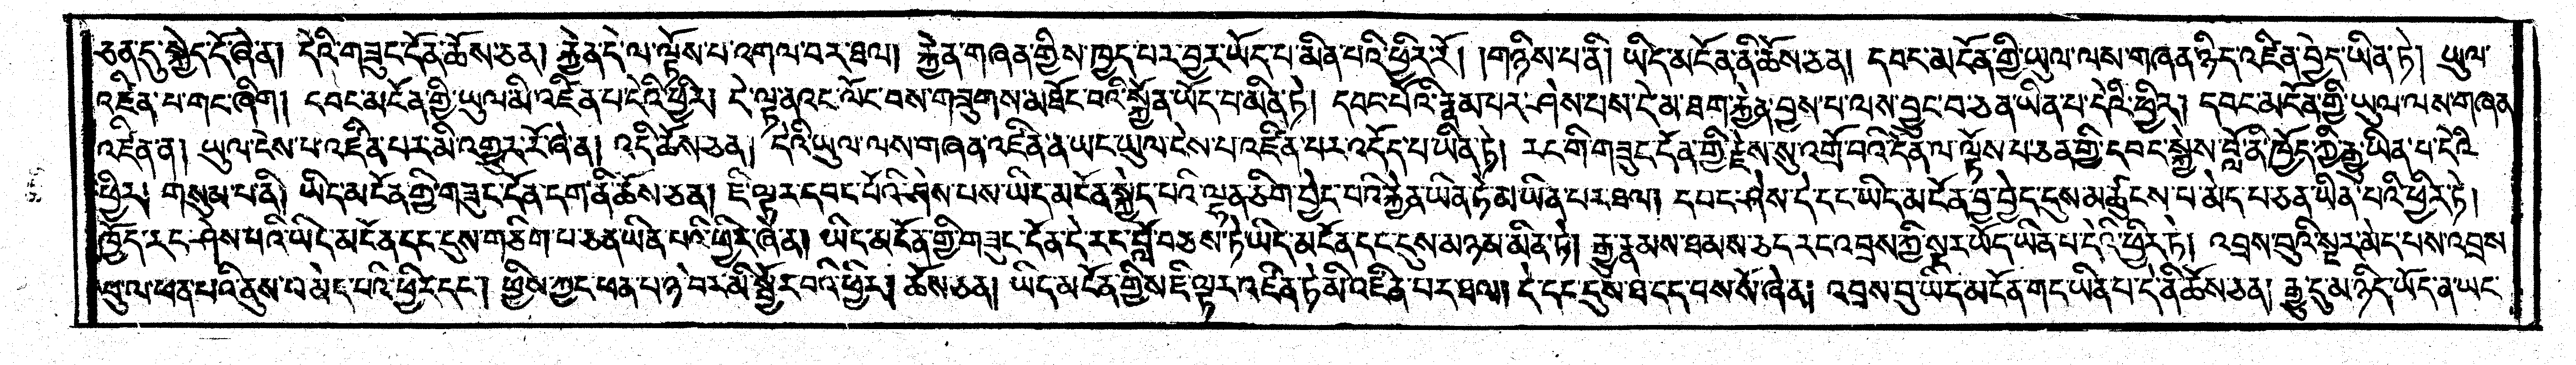ཅན་དུ་སྐྱེད་དོ་ཞེ་ན། དེའི་གཟུང་དོན་ཆོས་ཅན། རྐྱེན་དེ་ལ་ལྟོས་པ་འགལ་བར་ཐལ། རྐྱེན་གཞན་གྱིས་ཁྱད་པར་བྱར་ཡོད་པ་མིན་པའི་ཕྱིར་རོ། །གཉིས་པ་ནི། ཡིད་མངོན་ནི་ཆོས་ཅན། དབང་མངོན་གྱི་ཡུལ་ལས་གཞན་ཉིད་འཛིན་བྱེད་ཡིན་ཏེ། ཡུལ་
འཛིན་པ་གང་ཞིག། དབང་མངོན་གྱི་ཡུལ་མི་འཛིན་པ་དེའི་ཕྱིར། དེ་ལྟ་ནའང་ལོང་བས་གཟུགས་མཐོང་བའི་སྐྱོན་ཡོད་པ་མིན་ཏེ། དབང་པོའི་རྣམ་པར་ཤེས་པས་དེ་མ་ཐག་རྐྱེན་བྱས་པ་ལས་བྱུང་བ་ཅན་ཡིན་པ་དེའི་ཕྱིར། དབང་མངོན་གྱི་ཡུལ་ལས་གཞན་
འཛིན་ན། ཡུལ་ངེས་པ་འཛིན་པར་མི་འགྱུར་རོ་ཞེ་ན། འདི་ཆོས་ཅན། དེའི་ཡུལ་ལས་གཞན་འཛིན་ན་ཡང་ཡུལ་ངེས་པ་འཛིན་པར་འདོད་པ་ཡིན་ཏེ། རང་གི་གཟུང་དོན་གྱི་རྗེས་སུ་འགྲོ་བའི་དོན་ལ་ལྟོས་པ་ཅན་གྱི་དབང་སྐྱེས་བློ་ནི་ཁྱོད་ཀྱི་རྒྱུ་ཡིན་པ་དེའི་
ཕྱིར། གསུམ་པ་ནི། ཡིད་མངོན་གྱི་གཟུང་དོན་དག་ནི་ཆོས་ཅན། ཇི་ལྟར་དབང་པོའི་ཤེས་པས་ཡིད་མངོན་སྐྱེད་པའི་ལྷན་ཅིག་བྱེད་པའི་རྐྱེན་ཡིན་ཏེ་མ་ཡིན་པར་ཐལ། དབང་ཤེས་དེ་དང་ཡིད་མངོན་བྱ་བྱེད་དུས་མཚུངས་པ་མེད་པ་ཅན་ཡིན་པའི་ཕྱིར་ཏེ།
ཁྱོད་རང་ཤེས་པའི་ཡིད་མངོན་དང་དུས་གཅིག་པ་ཅན་ཡིན་པའི་ཕྱིར་ཞེ་ན། ཡིད་མངོན་གྱི་གཟུང་དོན་དེ་རང་བློ་བཅས་ཏེ་ཡིད་མངོན་དང་དུས་མཉམ་མིན་ཏེ། རྒྱུ་རྣམས་ཐམས་ཅད་རང་འབྲས་ཀྱི་སྔར་ཡོད་ཡིན་པ་དེའི་ཕྱིར་ཏེ། འབྲས་བུའི་སྔར་མེད་པས་འབྲས་
བུ་ལ་ཕན་པའི་ནུས་བ་མེད་པའི་ཕྱིར་དང་། ཕྱིས་ཀྱང་ཕན་པ་ཉེ་བར་མི་སྦྱོར་བའི་ཕྱིར། ཆོས་ཅན། ཡིད་མངོན་གྱིས་ཇི་ལྟར་འཛིན་ཏེ་མི་འཛིན་པར་ཐལ། དེ་དང་དུས་ཐ་དད་བས་སོ་ཞེ་ན། འབྲས་བུ་ཡིད་མངོན་གང་ཡིན་པ་དེ་ནི་ཆོས་ཅན། རྒྱུ་དུ་མ་ཉིད་ཡོད་ན་ཡང་